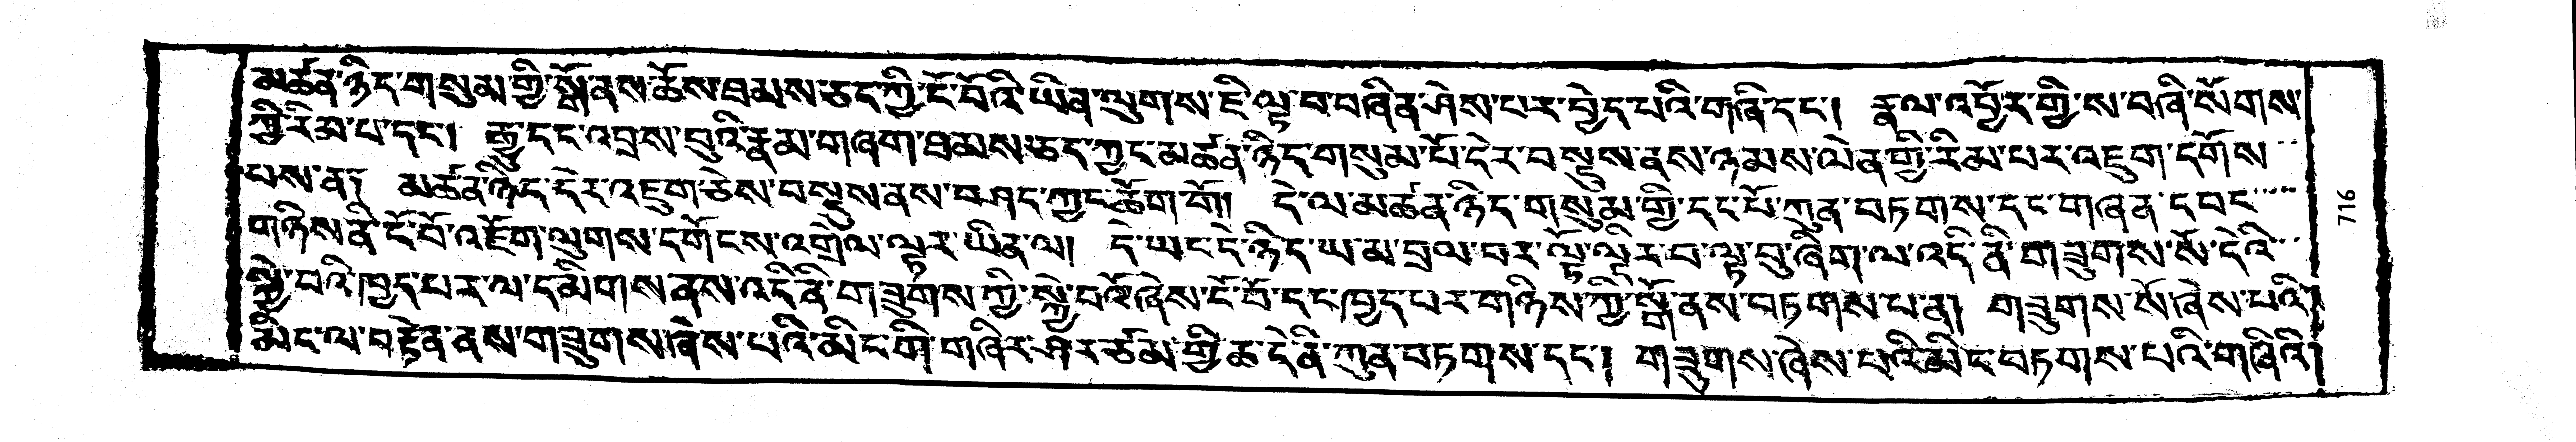མཚན་ཉིད་གསུམ་གྱི་སྒོ་ནས་ཆོས་ཐམས་ཅད་ཀྱི་ངོ་བོའི་ཡིན་ལུགས་ཇི་ལྟ་བ་བཞིན་ཤེས་པར་བྱེད་པའི་གཞི་དང་། རྣལ་འབྱོར་གྱི་ས་བཞི་སོགས་
ཀྱི་རིམ་པ་དང་། རྒྱུ་དང་འབྲས་བུའི་རྣམ་གཞག་ཐམས་ཅད་ཀྱང་མཚན་ཉིད་གསུམ་པོ་དེར་བསྡུས་ནས་ཉམས་ལེན་གྱི་རིམ་པར་འཇུག་དགོས་
པས་ན༑ མཚན་ཉིད་དེར་འཇུག་ཅེས་བསྡུས་ནས་བཤད་ཀྱང་ཆོག་གོ། དེ་ལ་མཚན་ཉིད་གསུམ་གྱི་དང་པོ་ཀུན་བཏགས་དང་གཞན་དབང་
གཉིས་ནི་ངོ་བོ་འཇོག་ལུགས་དགོངས་འགྲེལ་ལྟར་ཡིན་ལ། དེ་ཡང་དེ་ཉིད་ཡ་མ་བྲལ་བར་ལྟོ་ལྡིར་བ་ལྟ་བུ་ཞིག་ལ་འདི་ནི་གཟུགས་སོ་དེའི་
སྐྱེ་བའི་ཁྱད་པར་ལ་དམིགས་ནས་འདི་ནི་གཟུགས་ཀྱི་སྐྱེ་བའོ་ཞེས་ངོ་བོ་དང་ཁྱད་པར་གཉིས་ཀྱི་སྒོ་ནས་བཏགས་པ་ན། གཟུགས་སོ་ཞེས་པའི་
མིང་ལ་བརྟེན་ནས་གཟུགས་ཞེས་པའི་མིང་གི་གཞིར་ཤར་ཙམ་གྱི་ཆ་དེ་ནི་ཀུན་བཏགས་དང་། གཟུགས་ཞེས་པའི་མིང་བཏགས་པའི་གཞིའི་